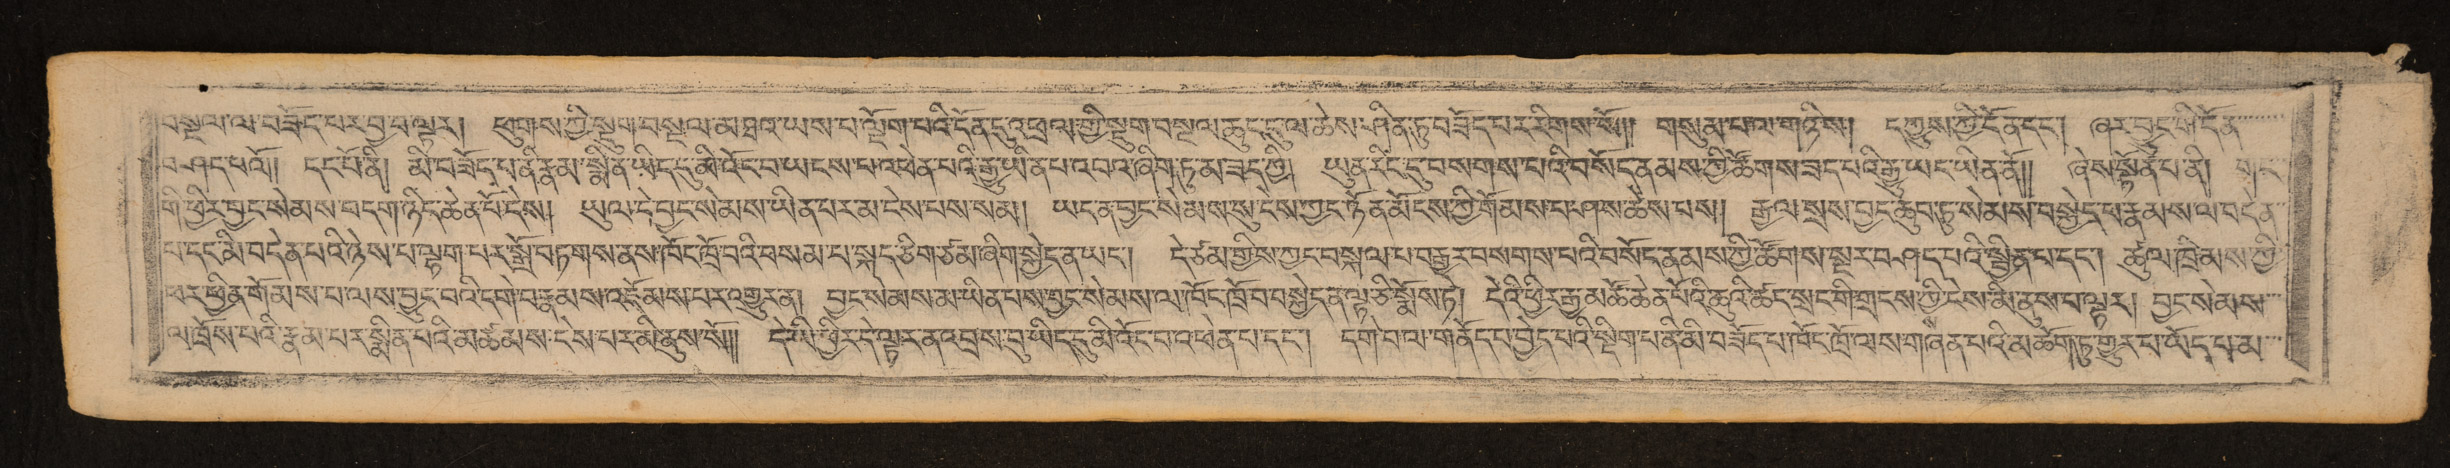བསྔལ་ལ་བཟོད་པར་བྱ་བ་ལྟར། ཕུགས་ཀྱི་སྡུག་བསྔལ་མཐའ་ཡས་པ་ལྡོག་པའི་དོན་དུ་འཕྲལ་གྱི་སྡུག་བསྔལ་ཆུང་ངུ་ལ་ཆེས་ཤིན་ཏུ་བཟོད་པར་རིགས་སོ།། གསུམ་པ་ལ་གཉིས། དཀྱུས་ཀྱི་དོན་དང་། ཞར་བྱུང་གི་དོན་
བཤད་པའོ།། དང་པོ་ནི། མི་བཟོད་པ་ནི་རྣམ་སྨིན་ཡིད་དུ་མི་འོང་བ་ཡངས་པ་འཕེན་པའི་རྒྱུ་ཡིན་པ་འབའ་ཞིག་ཏུ་མ་ཟད་ཀྱི། ཡུན་རིང་དུ་བསགས་པའི་བསོད་ནམས་ཀྱི་ཚོགས་ཟད་པའི་རྒྱུ་ཡང་ཡིན་ནོ།། ཞེས་སྟོན་པ་ནི། གང་
གི་ཕྱིར་བྱང་སེམས་བདག་ཉིད་ཆེན་པོ་དེས། ཡུལ་དེ་བྱང་སེམས་ཡིན་པར་མ་ངེས་པས་སམ། ཡང་ན་བྱང་སེམས་སུ་ངེས་ཀྱང་ཉོན་མོངས་ཀྱི་གོམས་པ་ཤས་ཆེས་པས། རྒྱལ་སྲས་བྱང་ཆུབ་ཏུ་སེམས་བསྐྱེད་པ་རྣམས་ལ་བདེན་
པ་དང་མི་བདེན་པའི་ཉེས་པ་ལྷག་པར་སྒྲོ་བཏགས་ནས་ཁོང་ཁྲོ་བའི་བསམ་པ་སྐད་ཅིག་ཙམ་ཞིག་སྐྱེད་ན་ཡང་། དེ་ཙམ་གྱིས་ཀྱང་བསྐལ་པ་བརྒྱར་བསགས་པའི་བསོད་ནམས་ཀྱི་ཚོགས་སྔར་བཤད་པའི་སྦྱིན་པ་དང་། ཚུལ་ཁྲིམས་ཀྱི་
ཕར་ཕྱི་གོམས་པ་ལས་བྱུང་བའི་དགེ་བ་རྣམས་འཇོམས་པར་འགྱུར་ན། བྱང་སེམས་མ་ཡིན་པས་བྱང་སེམས་ལ་ཁོང་ཁྲོ་བ་བསྐྱེད་ན་ལྟ་ཅི་སྨོས་ཏེ། དེའི་ཕྱིར་རྒྱ་མཚོ་ཆེན་པོའི་ཆུའི་ཚད་སྲང་གི་གྲངས་ཀྱི་ངེས་མི་ནུས་པ་ལྟར། བྱང་སེམས་
ལ་ཁྲོས་པའི་རྣམ་པར་སྨིན་པའི་མཚམས་ངེས་པར་མི་ནུས་སོ།། དེ་ཡི་ཕྱིར་དེ་ལྟར་ན་འབྲས་བུ་ཡིད་དུ་མི་འོང་བ་འཕེན་པ་དང་། དགེ་བ་ལ་གནོད་པ་བྱེད་པའི་སྡིག་པ་ནི་མི་བཟོད་པ་ཁོང་ཁྲོ་ལས་གཞན་པའི་མཆོག་ཏུ་གྱུར་པ་ཡོད་པ་མ་